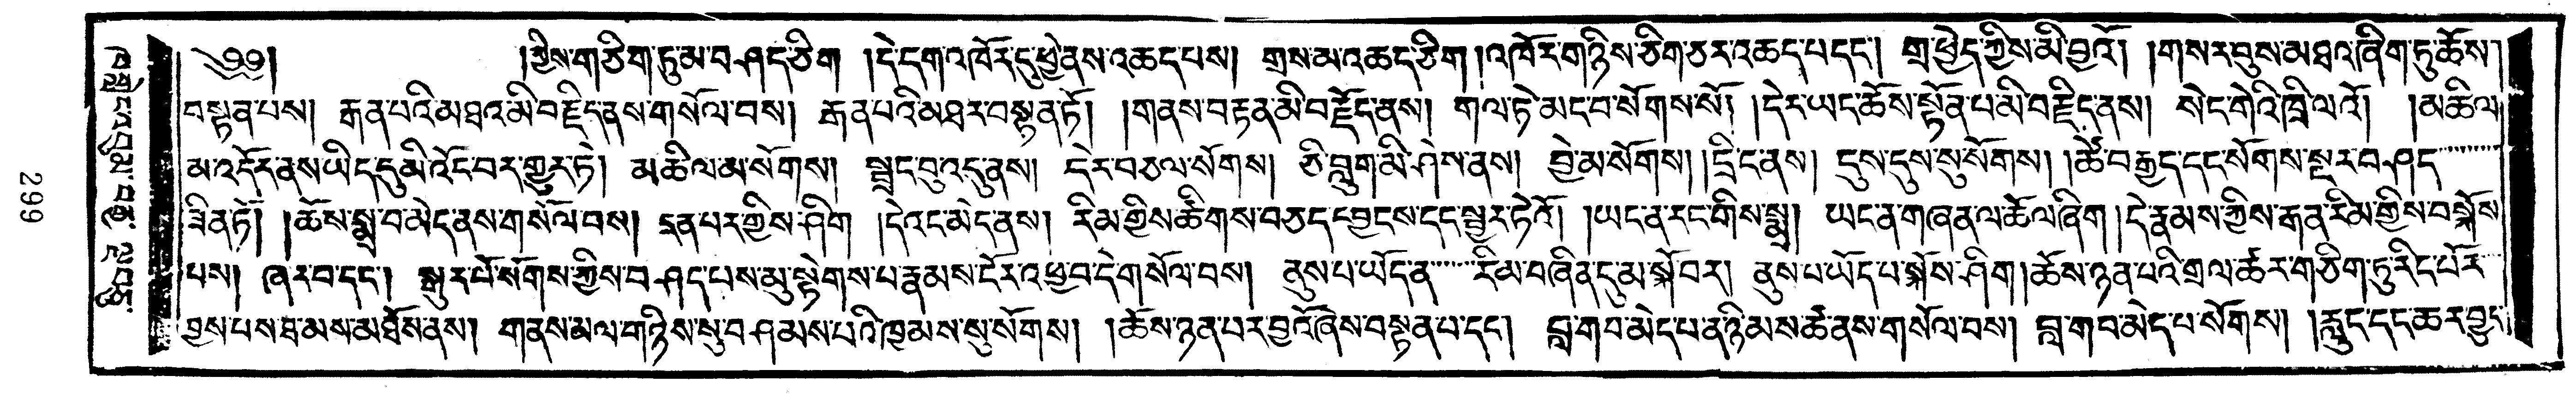༄༅། །ཀྱིས་གཅིག་ཏུ་མ་བཤད་ཅིག །དེ་དག་འཁོར་དུ་ཕྱེ་ནས་འཆད་པས། གྲས་མ་འཆད་ཅིག །འཁོར་གཉིས་ཅིག་ཅར་འཆད་པ་དང་། གྲ་ཕྱེད་ཀྱིས་མི་བྱའོ། །གསར་བུས་མཐའ་ཞིག་ཏུ་ཆོས་
བསྟན་པས། རྒན་པའི་མཐའ་མི་བརྗིད་ནས་གསོལ་བས། རྒན་པའི་མཐར་བསྟན་ཏོ། །གནས་བརྟན་མི་བརྗོད་ནས། གལ་ཏེ་མང་བ་སོགས་སོ། །དེར་ཡང་ཆོས་སྟོན་པ་མི་བརྗིད་ནས། སེང་གེའི་ཁྲི་ལའོ། །མཆིལ་
མ་འདོང་ནས་ཡིད་དུ་མི་འོང་བར་གྱུར་ཏེ། མཆིལ་མ་སོགས། སྦྲང་བུ་འདུ་ནས། དེར་བཅལ་སོགས། ཅི་བླུག་མི་ཤེས་ནས། བྱེ་མ་སོགས། །དྲི་ང་ནས། དུས་དུས་སུ་སོགས། །ཚེ་བརྒྱད་དང་སོགས་སྔར་བཤད་
ཟིན་ཏོ། །ཆོས་སྨྲ་བ་མེད་ནས་གསོལ་བས། དྲན་པར་གྱིས་ཤིག །དེའང་མེད་ནས། རིམ་གྱིས་ཚིགས་བཅད་དབྱང་དང་སྦྱར་ཏེའོ། །ཡང་ན་རང་གིས་སྨྲ། ཡང་ན་གཞན་ལ་ཆོལ་ཞིག། དེ་རྣམས་ཀྱིས་རྒན་རིམ་གྱིས་བསྐོས་
པས། ཞར་བ་དང་། སྒུར་པོ་སོགས་ཀྱིས་བཤད་པས་མུ་སྟེགས་པ་རྣམས་ངོར་འཕྱ་བ་དེ་གསོལ་བས། ནུས་པ་ཡོད་ན། རིམ་བཞིན་དུ་མ་བསྐོ་བར། ནུས་པ་ཡོད་པ་སྐོས་ཤིག །ཆོས་ཉན་པའི་གྲལ་ཚར་གཅིག་ཏུ་རིང་པོར་
བྱས་པས་ཐ་མས་མ་ཐོས་ནས། གནས་མལ་གཉིས་སུ་བཤམས་པའི་ཁྱམས་སུ་སོགས། །ཆོས་ཉན་པར་བྱའོ་ཞེས་བསྟན་པ་དང་། བླ་གབ་མེད་པ་ན་ཉི་མས་ཚ་ནས་གསོལ་བས། བླ་གབ་མེད་པ་སོགས། །རླུང་དང་ཆར་བྱུང་